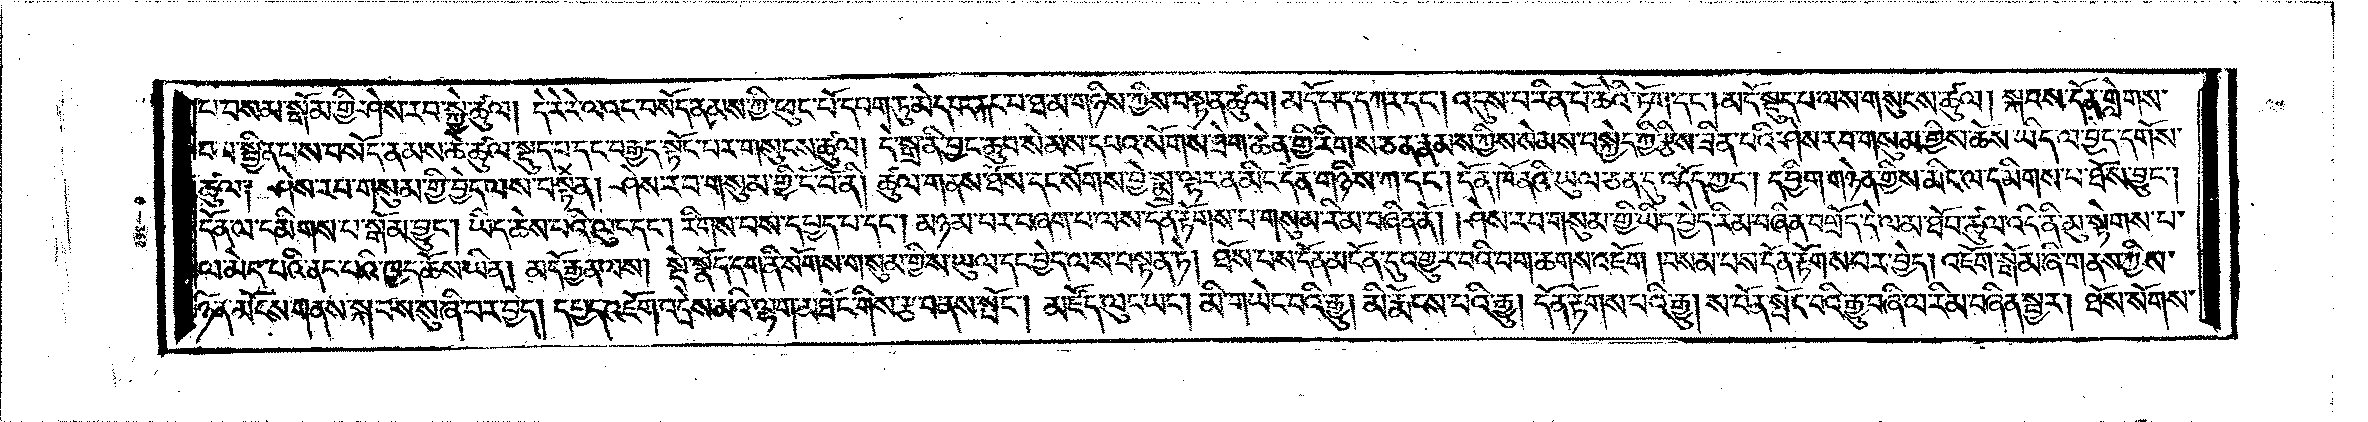པ་བསམ་སྒོམ་གྱི་ཤེས་རབ་སྐྱེ་ཚུལ། དེ་རེ་རེ་ལའང་བསོད་ནམས་ཀྱི་ཕུང་པོ་དཔག་ཏུ་མེད་པར་རྐང་པ་ཐ་མ་གཉིས་ཀྱིས་བསྟན་ཚུལ། མདོ་པད་དཀར་དང་། འདུས་པ་རིན་པོ་ཆེའི་ཏོག་དང་། མདོ་སྡུད་པ་ལས་གསུངས་ཚུལ། སྐབས་དོན་གླེགས་
བ་པ་སྦྱིན་པས་བསོད་ནམས་ཆེ་ཚུལ་སྡུད་པ་དང་བརྒྱད་སྟོང་པར་གསུངས་ཚུལ། དེ་སྒྲ་ནི་བྱང་ཆུབ་སེམས་དཔའ་སོགས་ཐེག་ཆེན་གྱི་རིགས་ཅན་རྣམས་ཀྱིས་སེམས་བསྐྱེད་ཀྱི་རྩིས་ཟིན་པའི་ཤེས་རབ་གསུམ་གྱིས་ཆོས་ཡིད་ལ་བྱེད་དགོས་
ཚུལ༑ ཤེས་རབ་གསུམ་གྱི་བྱེད་ལས་བསྟེན། ཤེས་རབ་གསུམ་གྱི་ངོ་བོ་ནི། ཚུལ་གནས་ཐོས་དང་སོགས་བྱེ་སྨྲ་ལྟར་ན་མིང་དོན་གཉིས་ཀ་དང་། དོན་ཁོ་ནའི་ཡུལ་ཅན་དུ་འདོད་ཀྱང་། དབྱིག་གཉེན་གྱིས་མིང་ལ་དམིགས་པ་ཐོས་བྱུང་།
དོན་ལ་དམིགས་པ་སྒོམ་བྱུང་། ཡིད་ཆེས་པའི་ལུང་དང་། རིགས་པས་དཔྱད་པ་དང་། མཉམ་པར་བཞག་པ་ལས་དོན་རྟོགས་པ་གསུམ་རིམ་བཞིན་ནོ། །ཤེས་རབ་གསུམ་གྱི་ཡིད་བྱེད་རིམ་བཞིན་བགྲོད་དེ་ལམ་ཐོབ་ཚུལ་འདི་ནི་མུ་སྟེགས་པ་
ལ་མེད་པའི་ནང་པའི་ཁྱད་ཆོས་ཡིན། མདོ་རྒྱན་ལས། སྡེ་སྣོད་དག་ནི་སོགས་གསུམ་གྱིས་ཡུལ་དང་བྱེད་ལས་བསྟན་ཏེ། ཐོས་པས་དོན་མངོན་དུ་འགྱུར་བའི་བག་ཆགས་འཇོག །བསམ་པས་དོན་རྟོགས་བར་བྱེད། འཇོག་སྒོམ་ཞི་གནས་ཀྱིས་
ཉོན་མོངས་གནས་སྐབས་སུ་ཞི་བར་བྱེད། དཔྱད་འཇོག་འདྲེས་མའི་ལྷག་མཐོང་གིས་རྩ་བ་ནས་སྤོང་། མཛོད་ལུང་ཡང་། མི་གཡེང་བའི་རྒྱུ། མི་རྨོངས་པའི་རྒྱུ། དོན་རྟོགས་པའི་རྒྱུ། ས་བོན་སྤོང་བའི་རྒྱུ་བཞི་ལ་རིམ་བཞིན་སྦྱར། ཐོས་སོགས་